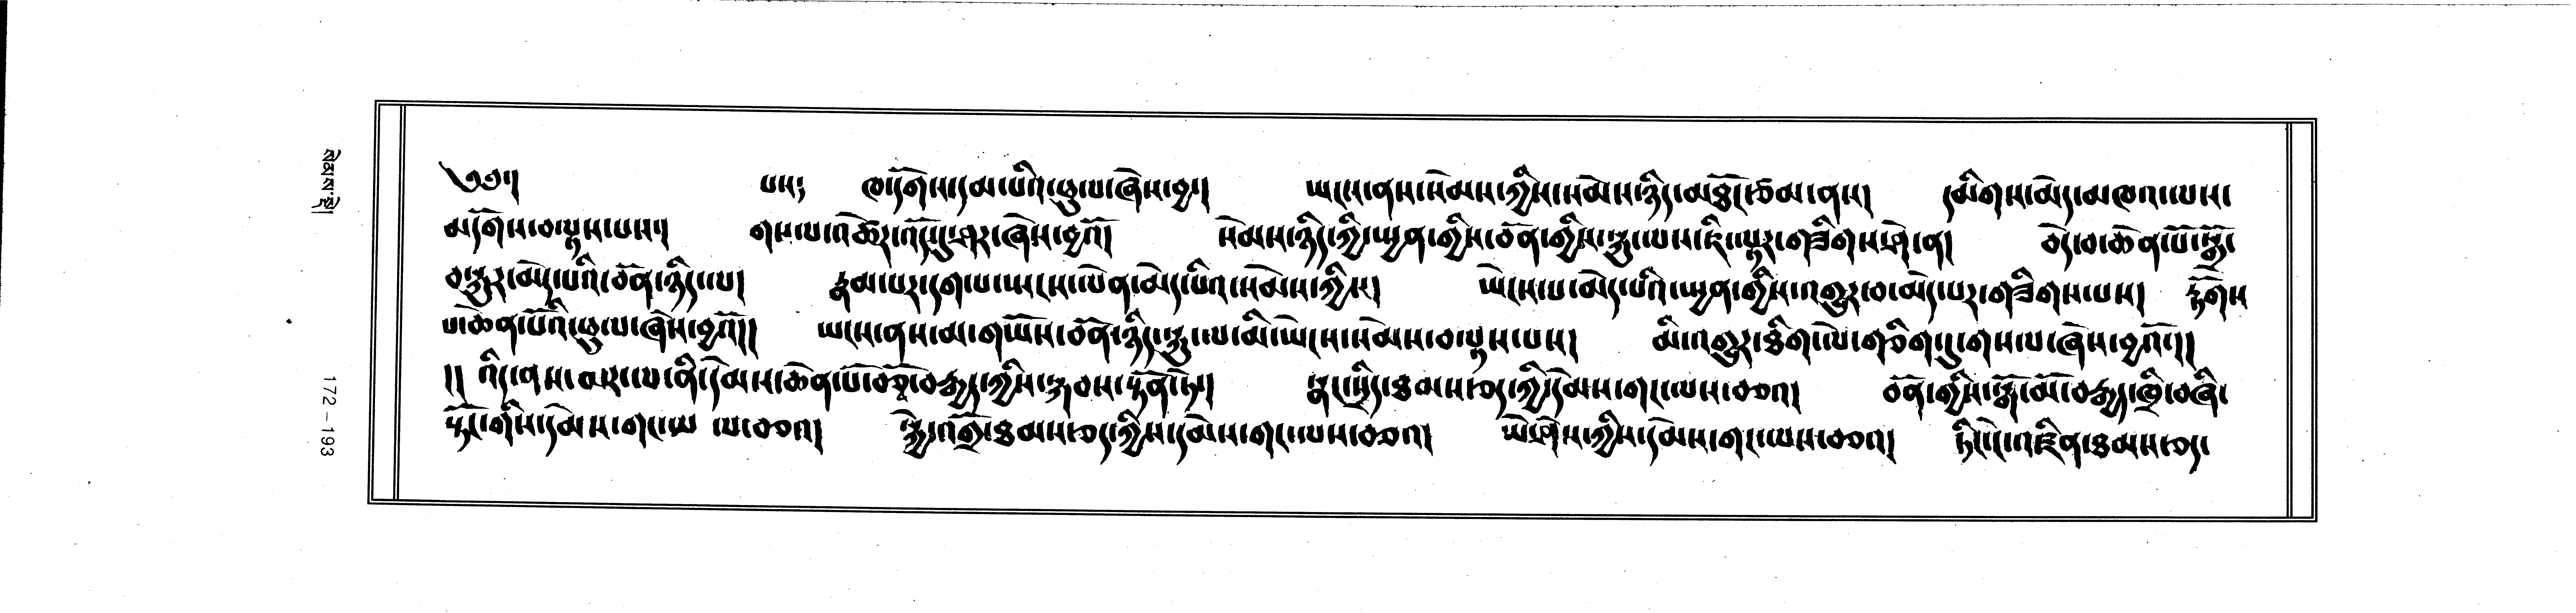པས། ཁ་དོག་དམ་པའི་ཕུལ་ཞེས་བྱ། ཡང་ནས་སེམས་ཀྱིས་སེམས་ཉིད་མཐོང་ཙམ་ནས། དམིགས་མེད་མཁའ་ལས་
མདོགས་བལྟས་པས། གསལ་འཚེར་འོད་དུ་ཤར་ཞེས་བྱའོ། སེམས་ཉིད་ཀྱི་སྤྱན་གྱིས་བོན་གྱིས་སྐུ་ལས་ཇི་ལྟར་གཟིགས་ཤེ་ན། བདེ་བ་ཆེན་པོ་སྒྲོ་
བསྐུར་མེད་པའི་བོན་ཉིད་ལ། རྣམ་པར་དག་པ་སྤངས་ལེན་མེད་པའི་སེམས་ཀྱིས། ཡེངས་པ་མེད་པའི་སྤྱན་གྱིས་འགྱུར་བ་མེད་པར་གཟིགས་པས། རྟོགས་
པ་ཆེན་པོའི་ཕུལ་ཞེས་བྱའོ། ཡང་ནས་མ་གཡོས་བོན་ཉིད་སྐུ་ལ་མི་ཡེངས་སེམས་བལྟས་པས། མི་འགྱུར་ཐིག་ལེ་གཅིག་དུ་གསལ་ཞེས་བྱའོ།།
།། འདི་ནས་མར་ལ་ནི་དེམ་ཆེན་པོ་བཅྭོ་བརྒྱད་ཀྱིས་སྐབས་སྟོན་ཏེ། སྣང་སྲིད་ཐམས་ཅད་ཀྱི་དེམ་གང་ལས་བཅའ། བོན་གྱིས་སྒོ་མོ་བརྒྱད་ཁྲི་བཞི་
སྟོང་གིས་དེམ་གང་ལ་བཅའ། སྐྱེ་འགྲོ་ཐམས་ཅད་ཀྱིས་དེམ་གང་ལ་བཅའ། ཡེ་ཤེས་ཀྱིས་དེམ་གང་ལ་བཅའ། ཏིང་ངེ་འཛིན་ཐམས་ཅད་